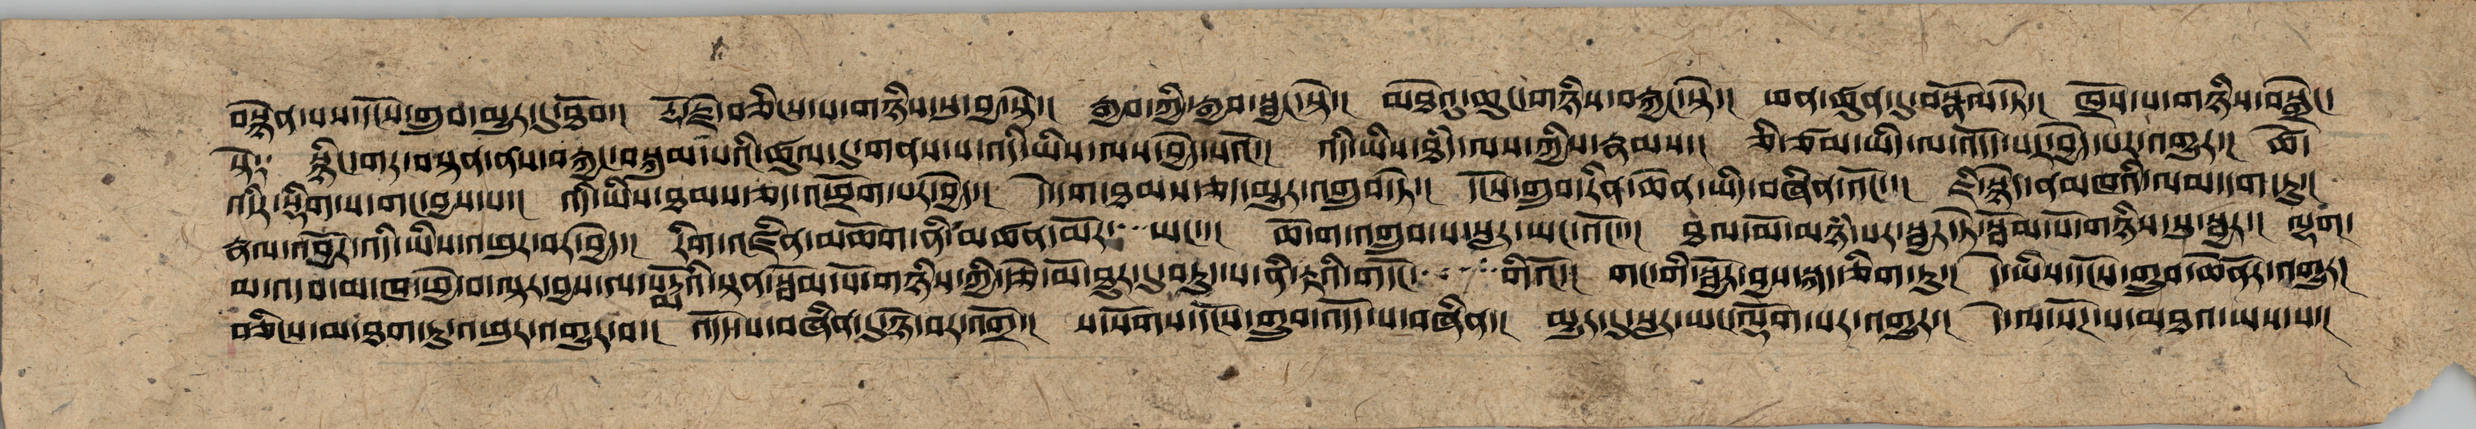བསྙེན་པས་དངོས་གྲུབ་མྱུར་དུ་ཐོབ་། རྡོ་རྗེ་བཅིངས་པ་གཉིས་སུ་བྱ་སྟེ་། རྒྱབ་ཀྱི་རྒྱབ་སྦྱང་སྟེ་། མཐེའུ་ཆུང་གཉིས་བརྐྱང་སྟེ་། ཕན་ཚུན་དུ་བསྣོལ་སྟེ་། ཁྲོས་པ་གཉིས་བསྒྲེང་
སྟེ༑ སྙིང་གར་བསྟན་ནས་བརྐྱང་བསྐུམ་པའི་ཚུལ་དུ་གནས་པ་འདི་ཡིས་ལས་བྱེད་པའོ་། འདི་ཡིས་ཐཾད་ལས་ཀྱིས་རྣམས་། ཅི་ཙམ་ཡིད་ལ་འདོད་པར་བྱེད་པར་འགྱུར་། ཚེ་
འདིར་སྡིག་པ་གང་བྱས་པ་། འདི་ཡིས་ཐམས་ཅད་འཕྲོག་པར་བྱེད་། དེ་དག་ཐམས་ཅད་མྱུར་འགྲུབ་ཏེ་། དངོས་གྲུབ་རིན་ཆེན་ཡིད་བཞིན་འོང་་། ཇི་སྙེད་ནམཁའི་ལམ་དག་ཏུ་།
རྣལ་འབྱོར་འདི་ཡིས་འཕུར་བར་བྱེད་། རིག་འཛིན་མཆོག་ནི་མཚན་མོར་ ཡང་་། ཆོ་ག་འགྲུབ་པ་སླར་ཡང་འོང་་། ཐལ་མོ་མཉཾ་པར་སྦྱར་ཏེ་སྦོམ་པོ་གཉིས་སུ་སྦྱར་། ལྷག་
མ་འདབ་མ་ཁ་ཕྱེ་བ་ལྟར་བྱས་ལ་པདྨོའི་སྟན་སྦོམ་པོ་གཉིས་ཀྱི་རྩེ་མོ་ཐུར་དུ་བཏུད་པ་ནི་རྟའི་གདོང་ གིའོ་། གང་གི་སྦྱོར་བྱས་སྐད་ཅིག་ཏུ་། དེ་ཡིས་དངོས་གྲུབ་ཆེནོར་འགྱུར།
བཅིངས་མ་ཐག་ཏུ་འཕུར་འགྱུར་བ་། འདོད་པ་བཞིན་དུ་ཉེ་བར་འགྲོ་། ས་སོགས་དངོས་གྲུབ་འདོད་པ་བཞིན་། མྱུར་དུ་སླར་ཡང་ལྡོག་པར་འགྱུར་། དེ་ལ་སོཌ་པ་མཐའ་ཡས་པ་།